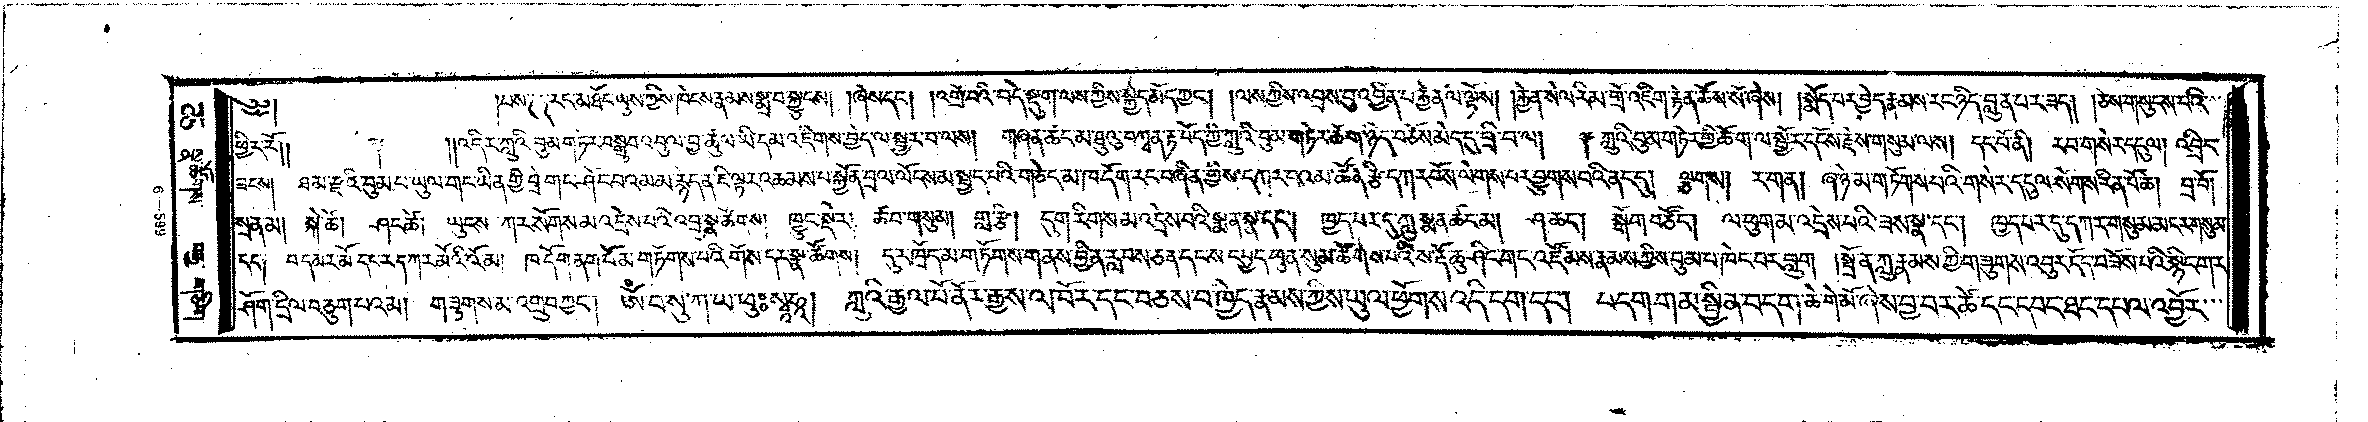༄༅། །པས༑ ༑རང་མཐོང་ཡུས་ཀྱིས་ཁེངས་རྣམས་སྨྲ་བ་སྐྱུངས། །ཞེས་དང་། །འགྲོ་བའི་བདེ་སྡུག་ལས་ཀྱིས་སྐྱེད་མོད་ཀྱང་། །ལས་ཀྱིས་འབྲས་བུ་འབྱིན་པ་རྐྱེན་ལ་ལྟོས། །རྐྱེན་སེལ་རིམ་གྲོ་འཇིག་རྟེན་ཆོས་སོ་ཞེས། །སྨོད་པར་བྱེད་རྣམས་རང་ཉིད་བླུན་པར་ཟད། །ཅེས་གསུངས་བའི་
ཕྱིར་རོ།། ༈ །།འདིར་ཀླུའི་བུམ་གཏེར་བསྒྲུབ་འབུལ་བྱ་ཚུལ་ཡི་དམ་འཇིགས་བྱེད་ལ་སྦྱར་བ་ལས། གཞན་ཚང་མ་ཐུའུ་བཀྭན་རྟ་པོད་ཀྱི་ཀླུའི་བུམ་གཏེར་ཆོག་ཉིད་བཅོས་མེད་དུ་བྲི་བ་ལ། ༈ ཀླུའི་བུམ་གཏེར་གྱི་ཆོ་ག་ལ་སྦྱོར་དངོས་རྗེས་གསུམ་ལས། དང་པོ་ནི། རབ་གསེར་དངུལ། འབྲིང་
ཟངས། ཐམ་རྫའི་བུམ་པ་ཡུལ་གང་ཡིན་གྱི་བྲེ་གང་ཤོང་བའམ་མ་རྙེད་ན་ཇི་ལྟར་འཆམས་པ་སྐྱོན་བྲལ་ལོངས་མ་སྤྱད་པའི་གཅེད་མ་ཁ་དོག་རང་བཞིན་གྱིས་དཀར་བའམ་ཚོན་རྩི་དཀར་བོས་ལེགས་པར་བྱུགས་བའི་ནང་དུ། ལྕགས། ར་གན། ཞ་ཉེ་མ་གཏོགས་པའི་གསེར་དངུལ་སོགས་རིན་པོ་ཆེ། བྲ་བོ།
སྲན་མ། སྐེ་ཚེ། ཤང་ཚེ༑ ཡུངས་ཀར་སོགས་མ་འདྲེས་པའི་འབྲུ་སྣ་ཚོགས། ཁྱུང་སྡེར། ཚ་བ་གསུམ། གླ་རྩི། དུག་རིགས་མ་འདྲེས་པའི་སྨན་སྣ་དང་། ཁྱད་པར་དུ་ཀླུ་སྨན་ཚང་མ། ཤ་ཆང་། སྒོག་བཙོང་། ལ་ཕུག་མ་འདྲེས་པའི་ཟས་སྣ་དང་། ཁྱད་པར་དུ་དཀར་གསུམ་མངར་གསུམ་
དང༑ བ་དམར་མོ་དང་ར་དཀར་མོའི་འོ་མ། ཁ་དོག་ནག་བོ་མ་གཏོགས་པའི་གོས་དར་སྣ་ཚོགས། དུར་ཁྲོད་མ་གཏོགས་གནས་བྱིན་རླབས་ཅན་དང་ས་དཔྱད་ཕུན་སུམ་ཚོགས་པའི་ས་རྡོ་ཆུ་ཤིང་གང་འཛོམས་རྣམས་གྱིས་བུམ་པ་ཁེང་བར་བླུག །སྦྲོ་ན་ཀླུ་རྣམས་ཀྱི་གཟུགས་འབུར་དོད་བཟོས་པའི་སྙིང་གར་
ཤོག་དྲིལ་བཅུག་པའམ། གཟུགས་མ་འགྲུབ་ཀྱང་། ཨོཾ་བ་སུ་ཀ་ཡ་ཕུཿསྭཱཧཱ། ཀླུའི་རྒྱལ་པོ་ནོར་རྒྱས་འཁོར་དང་བཅས་བ་ཁྱེད་རྣམས་ཀྱིས་ཡུལ་ཕྱོགས་འདི་དག་དང་། བདག་གམ་སྦྱིན་བདག་ཆེ་གེ་མོ་ཞེས་བར་ཚེ་དང་དབང་ཐང་དཔལ་འབྱོར་